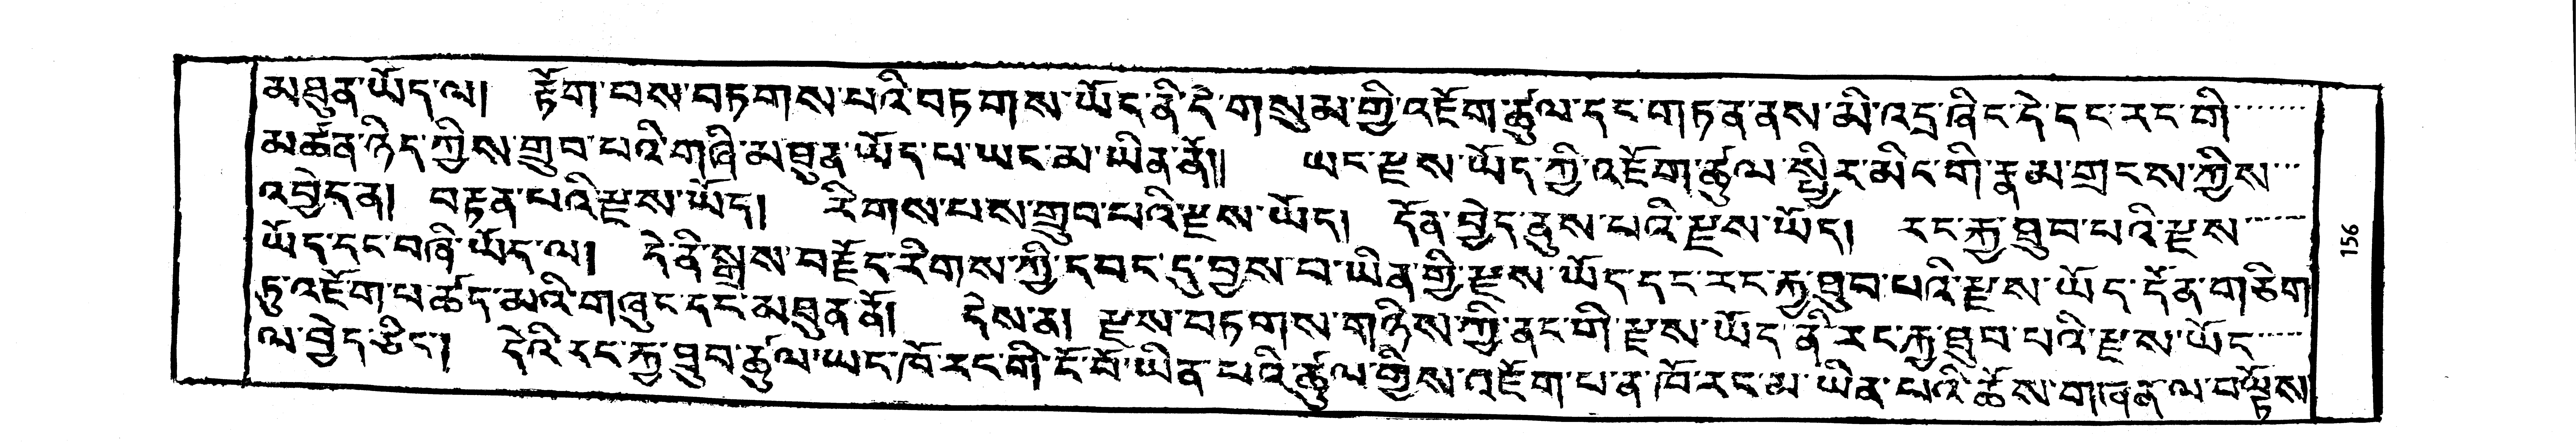མཐུན་ཡོད་ལ། རྟོག་པས་བཏགས་པའི་བཏགས་ཡོད་ནི་དེ་གསུམ་གྱི་འཇོག་ཚུལ་དང་གཏན་ནས་མི་འདྲ་ཞིང་དེ་དང་རང་གི་
མཚན་ཉིད་ཀྱིས་གྲུབ་པའི་གཞི་མཐུན་ཡོད་པ་ཡང་མ་ཡིན་ནོ། ཡང་རྫས་ཡོད་ཀྱི་འཇོག་ཚུལ་སྤྱིར་མིང་གི་རྣམ་གྲངས་ཀྱིས་
འབྱེད་ན། བརྟན་པའི་རྫས་ཡོད། རིགས་པས་གྲུབ་པའི་རྫས་ཡོད། དོན་བྱེད་ནུས་པའི་རྫས་ཡོད། རང་རྐྱ་ཐུབ་པའི་རྫས་
ཡོད་དང་བཞི་ཡོད་ལ། དེ་ནི་སྒྲས་བརྗོད་རིགས་ཀྱི་དབང་དུ་བྱས་པ་ཡིན་གྱི་རྫས་ཡོད་དང་རང་རྐྱ་ཐུབ་པའི་རྫས་ཡོད་དོན་གཅིག་
ཏུ་འཇོག་པ་ཚད་མའི་གཞུང་དང་མཐུན་ནོ། དེས་ན། རྫས་བཏགས་གཉིས་ཀྱི་ནང་གི་རྫས་ཡོད་ནི་རང་རྐྱ་ཐུབ་པའི་རྫས་ཡོང་
ལ་བྱེད་ཅིང་། དེའི་རང་རྐྱ་ཐུབ་ཚུལ་ཡང་ཁོ་རང་གི་ངོ་བོ་ཡིན་པའི་ཚུལ་གྱིས་འཇོག་པ་ན་ཁོ་རང་མ་ཡིན་པའི་ཆོས་གཞན་ལ་བལྟོས་